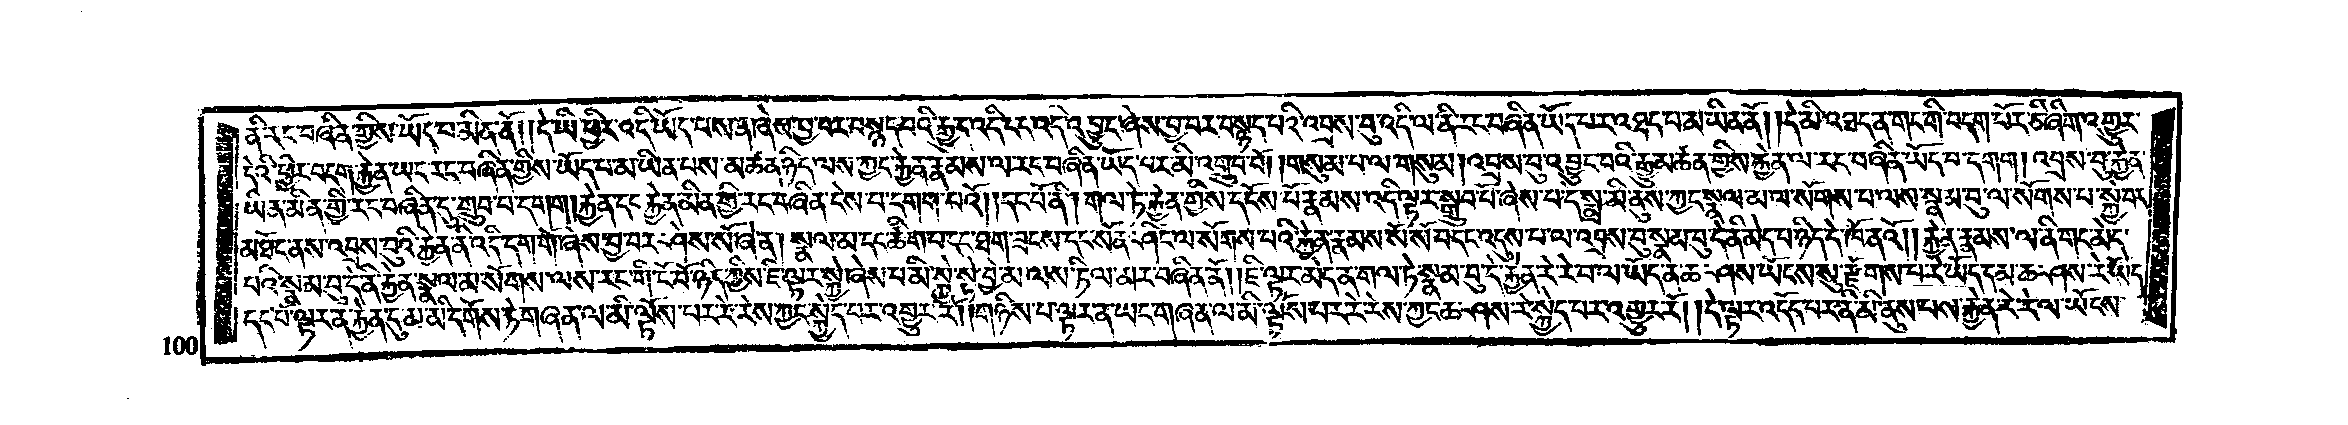ནི་རང་བཞིན་གྱིས་ཡོད་པ་མིན་ནོ། །དེ་ཡི་ཕྱིར་འདི་ཡོད་པས་ན་ཞེས་བྱ་བར་བསྙད་པའི་རྒྱུད་འདི་དང་འདི་འབྱུང་ཞེས་བྱ་བར་བསྙད་པའི་འབྲས་བུ་འདི་ལ་ནི་རང་བཞིན་ཡོད་པར་འཐད་པ་མ་ཡིན་ནོ། །དེ་མི་འཐད་ན་གང་གི་བདག་པོར་ཅི་ཞིག་འགྱུར་
དེའི་ཕྱིར་བདག་རྐྱེན་ཡང་རང་བཞིན་གྱིས་ཡོད་པ་མ་ཡིན་པས་མཚན་ཉིད་ལས་ཀྱང་རྐྱེན་རྣམས་ལ་རང་བཞིན་ཡོད་པར་མི་འགྲུབ་བོ། །གསུམ་པ་ལ་གསུམ། འབྲས་བུ་འབྱུང་བའི་རྒྱུ་མཚན་གྱིས་རྐྱེན་ལ་རང་བཞིན་ཡོད་པ་དགག །འབྲས་བུ་རྐྱེན་
ཡིན་མིན་གྱི་རང་བཞིན་དུ་གྲུབ་པ་དགག །རྐྱེན་དང་རྐྱེན་མིན་གྱི་རང་བཞིན་ངེས་པ་དགག་པའོ། །དང་པོ་ནི། གལ་ཏེ་རྐྱེན་གྱིས་དངོས་པོ་རྣམས་འདི་ལྟར་སྒྲུབ་པོ་ཞེས་པ་དེ་སྨྲ་མི་ནུས་ཀྱང་སྣལ་མ་ལ་སོགས་པ་ལས་སྣམ་བུ་ལ་སོགས་པ་སྐྱེ་བར་
མཐོང་ནས་འབྲས་བུའི་རྐྱེན་ནི་འདི་དག་གོ་ཞེས་བྱ་བར་ཤེས་སོ་ཞེ་ན། སྣལ་མ་དང་ཚིག་པ་དང་ཐག་ཟངས་དང་སོན་ཤིང་ལ་སོགས་པའི་རྐྱེན་རྣམས་སོ་སོ་བ་དང་འདུས་པ་ལ་འབྲས་བུ་སྣམ་བུ་དེ་ནི་མེད་པ་ཉིད་དེ་ཁོ་ནའོ། །རྐྱེན་རྣམས་ལ་ནི་གང་མེད་
པའི་སྣམ་བུ་དེ་ནི་རྐྱེན་སྣལ་མ་སོགས་ལས་རང་གི་ངོ་བོ་ཉིད་ཀྱིས་ཇི་ལྟར་སྐྱེ་ཞེས་པ་མི་སྐྱེ་སྟེ་བྱེ་མ་ལས་ཏིལ་མར་བཞིན་ནོ། །ཇི་ལྟར་མེད་ན་གལ་ཏེ་སྣམ་བུ་དེ་རྐྱེན་རེ་རེ་བ་ལ་ཡོད་ན་ཆ་ཤས་ཡོངས་སུ་རྫོགས་པ་རེ་ཡོད་དམ་ཆ་ཤས་རེ་ཡོད་
དང་པོ་ལྟར་ན་རྐྱེན་དུ་མ་མི་དགོས་ཏེ་གཞན་ལ་མི་ལྟོས་པར་རེ་རེས་ཀྱང་སྐྱེད་པར་འགྱུར་རོ། །གཉིས་པ་ལྟར་ན་ཡང་གཞན་ལ་མི་ལྟོས་པར་རེ་རེས་ཀྱང་ཆ་ཤས་རེ་སྐྱེད་པར་འགྱུར་རོ། །དེ་ལྟར་འདོད་པར་ནི་མི་ནུས་པས་སྐྱེན་རེ་རེ་ལ་ཡོངས་